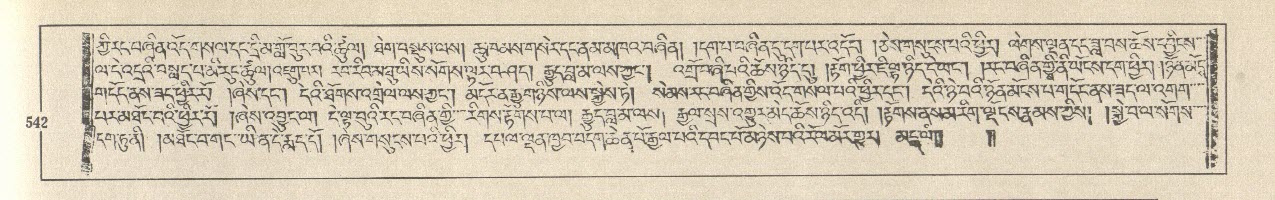ཀྱི་རང་བཞིན་འོད་གསལ་དང་དྲི་མ་གློ་བུར་བའི་ཚུལ། ཐེག་བསྡུས་ལས། ཆུ་ཁམས་གསེར་དང་ནམ་མཁའ་བཞིན། །དག་པ་བཞིན་དུ་དག་པར་འདོད། །ཅེས་གསུངས་པའི་ཕྱིར། ལེགས་ལྡན་དང་ཟླ་བས་ཆོས་དབྱིངས་
ལ་དེ་འདྲའི་བསླད་པ་མི་རུང་ཚུལ། འཇུག་པར། རབ་རིབ་མཐུ་ཡིས་སོགས་ལྟར་བཤད། རྒྱུད་བླ་མ་ལས་ཀྱང་། འགྲོ་བཞི་པའི་ཆོས་ཉིད་དུ། །རྟོག་ཕྱིར་ཇི་ལྟ་ཉིད་དེ་ཡང་། །རང་བཞིན་གྱིས་ནི་ཡོངས་དག་ཕྱིར། །ཉོན་མོངས་
གདོད་ནས་ཟད་ཕྱིར་རོ། །ཞེས་དང་། དེའི་ཐོགས་འགྲེལ་ལས་ཀྱང་། མདོར་ན་རྒྱུ་གཉིས་ལས་སྐྱེས་ཏེ། སེམས་རང་བཞིན་གྱིས་འོད་གསལ་པའི་ཕྱིར་དང་། དེའི་ཉེ་བའི་ཉོན་མོངས་པ་གདོང་ནས་ཟད་ལ་འགག་
པར་མཐོང་བའི་ཕྱིར་རོ། །ཞེས་འབྱུང་ལ། དེ་ལྟ་བུའི་རང་བཞིན་གྱི་རིགས་རྟོགས་པ་ལ། རྒྱུད་བླ་མ་ལས། རྒྱལ་སྲས་འགྱུར་མེད་ཆོས་ཉིད་འདི། །རྟོགས་ནས་མ་རིག་ལྡོངས་རྣམས་ཀྱིས། །སྐྱེ་བ་ལ་སོགས་
དག་ཏུ་ནི། །མཐོང་བ་གང་ཡིན་དེ་རྨད་དོ། །ཞེས་གསུངས་པའི་ཕྱིར། དཔལ་ལྡན་ཁྱབ་བདག་ཆེན་པོ་རྒྱལ་པའི་དབང་པོ་མཉེས་པའི་རོལ་མོར་གྱུར། མངྒ་ལཾ།། །།